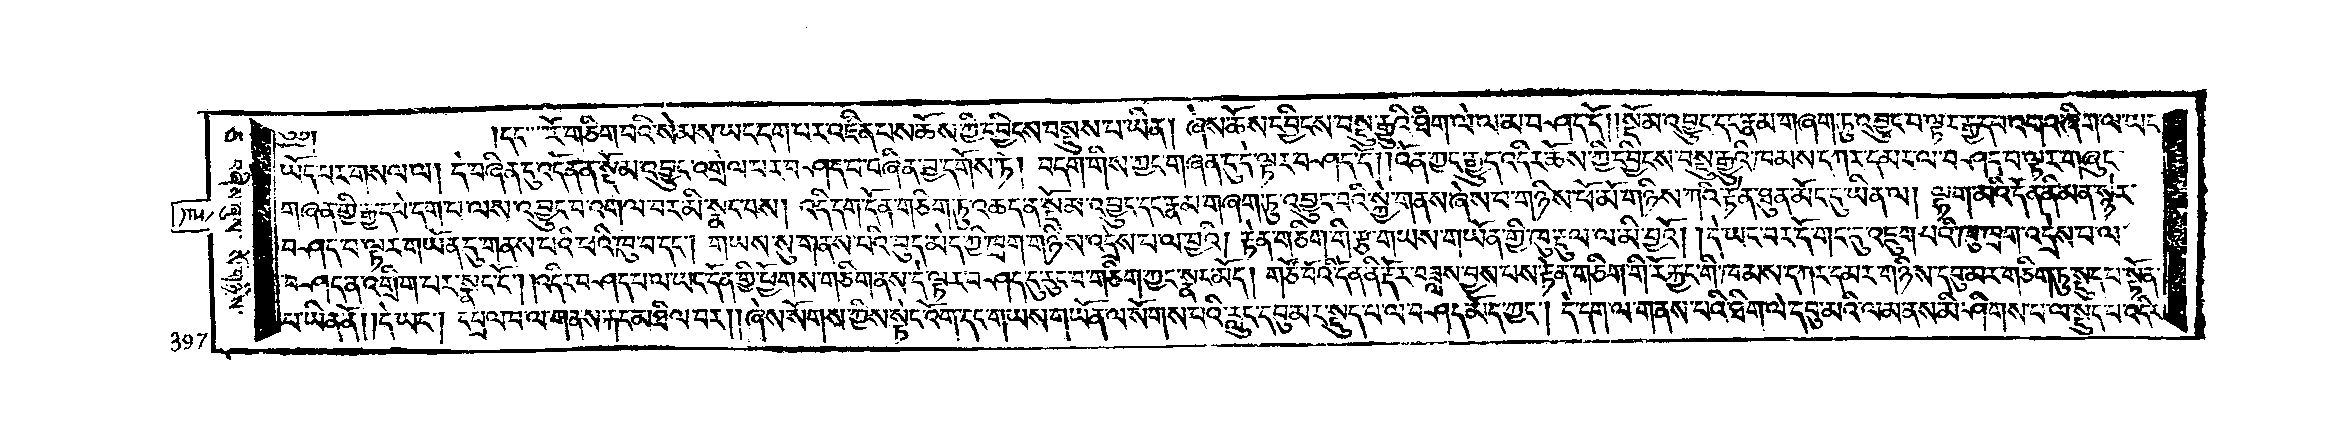༄༅། །དང་རོ་གཅིག་པའི་སེམས་ཡང་དག་པར་འཛིན་པས་ཆོས་ཀྱི་དབྱིངས་བསྡུས་པ་ཡིན། ཞེས་ཆོས་དབྱིངས་བསྡུ་རྒྱུའི་ཐིག་ལེ་ལ་མ་བཤད་དོ། །སྡོམ་འབྱུང་དང་རྣམ་གཞག་ཏུ་འབྱུང་བ་ལྟར་རྒྱ་དཔེ་འགའ་ཞིག་ལ་ཡང་
ཡོད་པར་གསལ་ལ། དེ་བཞིན་དུ་འདོན་ན་སྡོམ་འབྱུང་འགྲེལ་པར་བཤད་པ་བཞིན་བྱ་དགོས་ཏེ། བདག་གིས་ཀྱང་གཞན་དུ་དེ་ལྟར་བཤད་དོ། །འོན་ཀྱང་རྒྱུད་འདིར་ཆོས་ཀྱི་དབྱིངས་བསྡུ་རྒྱུའི་ཁམས་དཀར་དམར་ལ་བཤད་པ་ལྟར་གཞུང་
གཞན་གྱི་རྒྱ་དཔེ་དག་པ་ལས་འབྱུང་བ་འགལ་བར་མི་སྣང་བས། འདི་དག་དོན་གཅིག་ཏུ་འཆད་ན་སྡོམ་འབྱུང་དང་རྣམ་གཞག་ཏུ་འབྱུང་བའི་སྐྱེ་གནས་ཞེས་པ་གཉིས་ཕོ་མོ་གཉིས་ཀའི་རྟེན་ཐུན་མོང་དུ་ཡིན་ལ། ལྷག་མའི་དོན་ནི་མན་སྙེར་
བཤད་པ་ལྟར་གཡོན་དུ་གནས་པའི་ཕའི་ཁུ་བ་དང་། གཡས་སུ་གནས་པའི་བུད་མེད་ཀྱི་ཁྲག་གཉིས་འདྲེས་པ་ལ་བྱའི། རྟེན་གཅིག་གི་རྩ་གཡས་གཡོན་གྱི་ཁུ་རྡུལ་ལ་མི་བྱའོ། །དེ་ཡང་བར་དོ་གང་དུ་འཇུག་པའི་ཁུ་ཁྲག་འདྲེས་པ་ལ་
བཤད་ན་འགྲིག་པར་སྣང་ངོ། །འདིར་བཤད་པ་ལ་ཡང་དོན་གྱི་ཕྱོགས་གཅིག་ནས་དེ་ལྟར་བཤད་དུ་རུང་བ་གཅིག་ཀྱང་སྣང་མོད། གཙོ་བོའི་དོན་ནི་རྡོར་བཟླས་བྱས་པས་རྟེན་གཅིག་གི་རོ་རྐྱང་གི་ཁམས་དཀར་དམར་གཉིས་དབུ་མར་གཅིག་ཏུ་སྡུད་པ་སྟོན་
པ་ཡིན་ནོ། །དེ་ཡང་། དཔྲལ་བ་ལ་གནས་རྐང་མཐིལ་བར། །ཞེས་སོགས་ཀྱིས་སྟེང་འོག་དང་གཡས་གཡོན་ལ་སོགས་པའི་རླུང་དབུ་མར་སྡུད་པ་ལ་བཤད་མོད་ཀྱང་། དེ་དག་ལ་གནས་པའི་ཐིག་ལེ་དབུ་མའི་ལམ་ནས་མི་ཤིགས་པ་ལ་སྡུད་པ་འདིར་